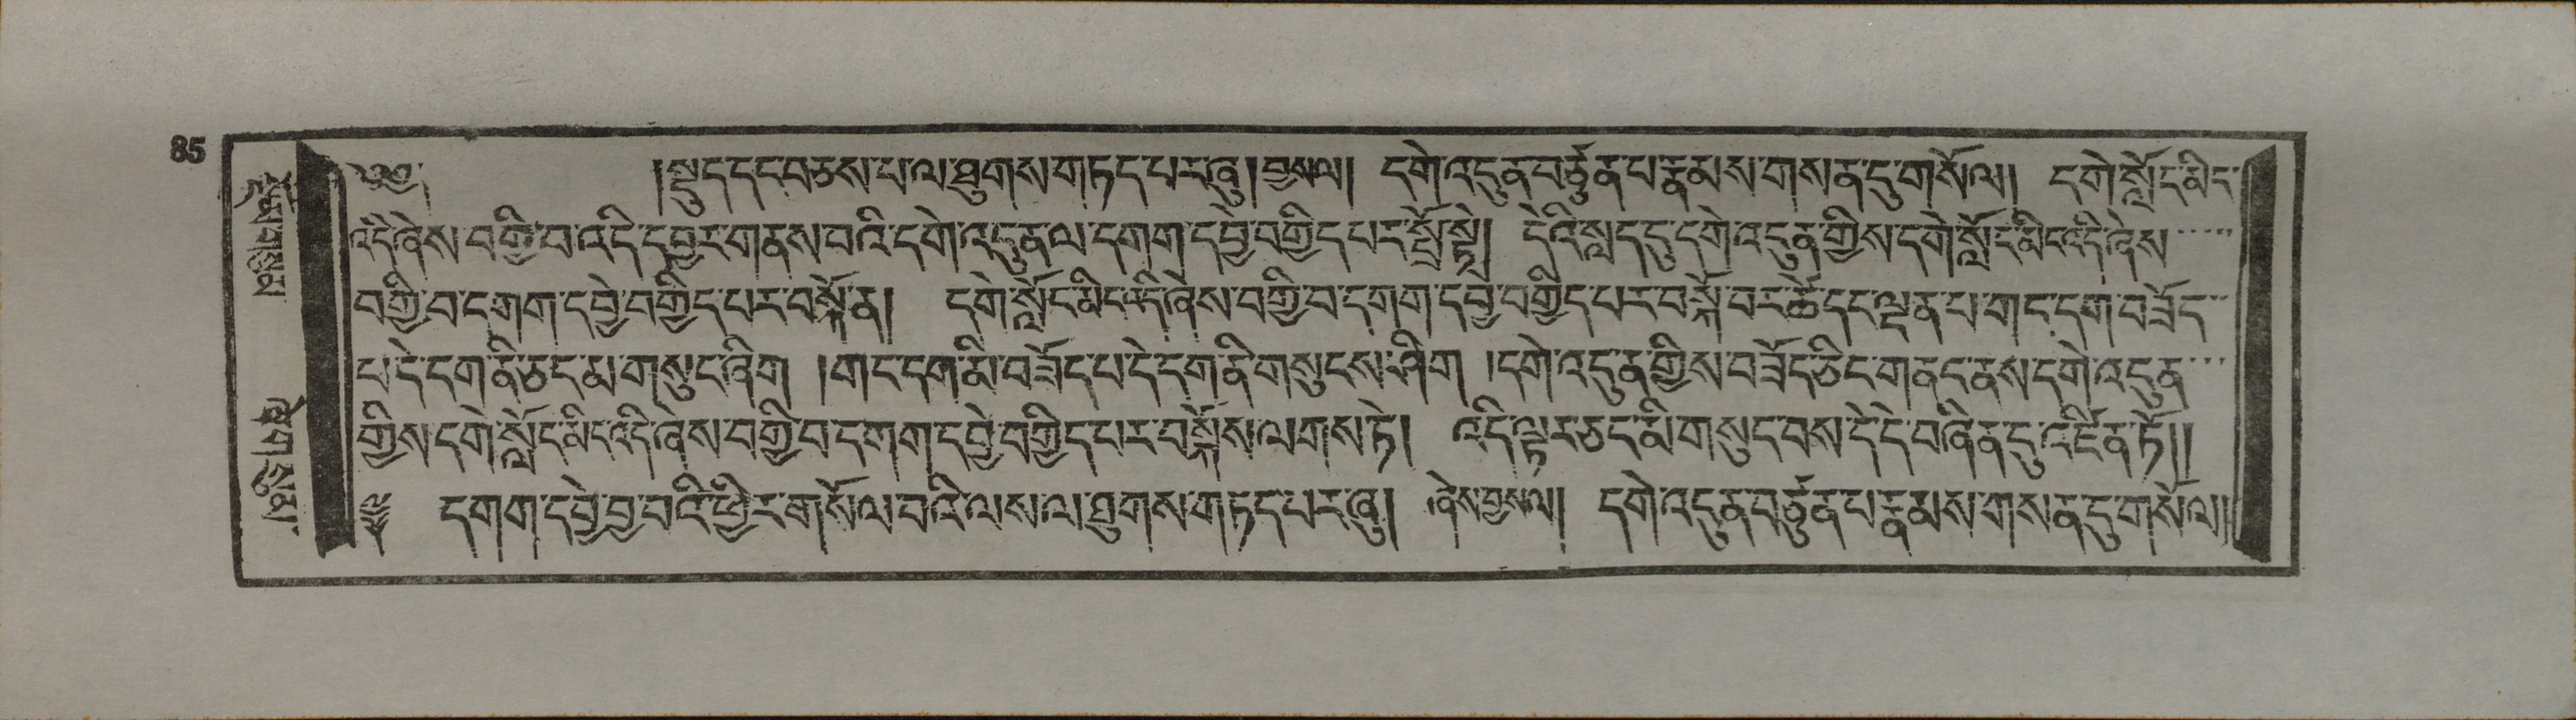༄༅། །སྡུད་དང་བཅས་པ་ལ་ཐུགས་གཏད་པར་ཞུ། བྱས་ལ། དགེ་འདུན་བཙུན་པ་རྣམས་གསན་དུ་གསོལ། དགེ་སློང་མིང་
འདི་ཞེས་བགྱི་འདི་དབྱར་གནས་པའི་དགེ་འདུན་ལ་དགག་དབྱེ་བགྱིད་པར་སྤྲོ་སྟེ། དེའི་སླད་དུ་དགེ་འདུན་གྱིས་དགེ་སློང་མིང་འདི་ཞེས་
བགྱི་བ་དགག་དབྱེ་བགྱིད་པར་བསྐོ་ན། དགེ་སློང་མིང་འདི་ཞེས་བགྱི་བ་དགག་དབྱེ་བགྱིད་པར་བསྐོ་བར་ཚེ་དང་ལྡན་པ་གང་དག་བཟོད་
པ་དེ་དག་ནི་ཅང་མ་གསུང་ཞིག །གང་དག་མི་བཟོད་པ་དེ་དག་ནི་གསུངས་ཤིག །དགེ་འདུན་གྱིས་བཟོད་ཅིང་གནང་ནས་དགེ་འདུན་
གྱིས་དགེ་སློང་མིང་འདི་ཞེས་བགྱི་བ་དགག་དབྱེ་བགྱིད་པར་བསྐོས་ལགས་ཏེ། འདི་ལྟར་ཅང་མི་གསུང་བས་དེ་དེ་བཞིན་དུ་འཛིན་ཏོ། །
༈ དགག་དབྱེ་བྱ་བའི་ཕྱིར་གསོལ་བའི་ལས་ལ་ཐུགས་གཏད་པར་ཞུ། ཞེས་བྱས་ལ།  དགེ་འདུན་བཙུན་པ་རྣམས་གསན་དུ་གསོལ།